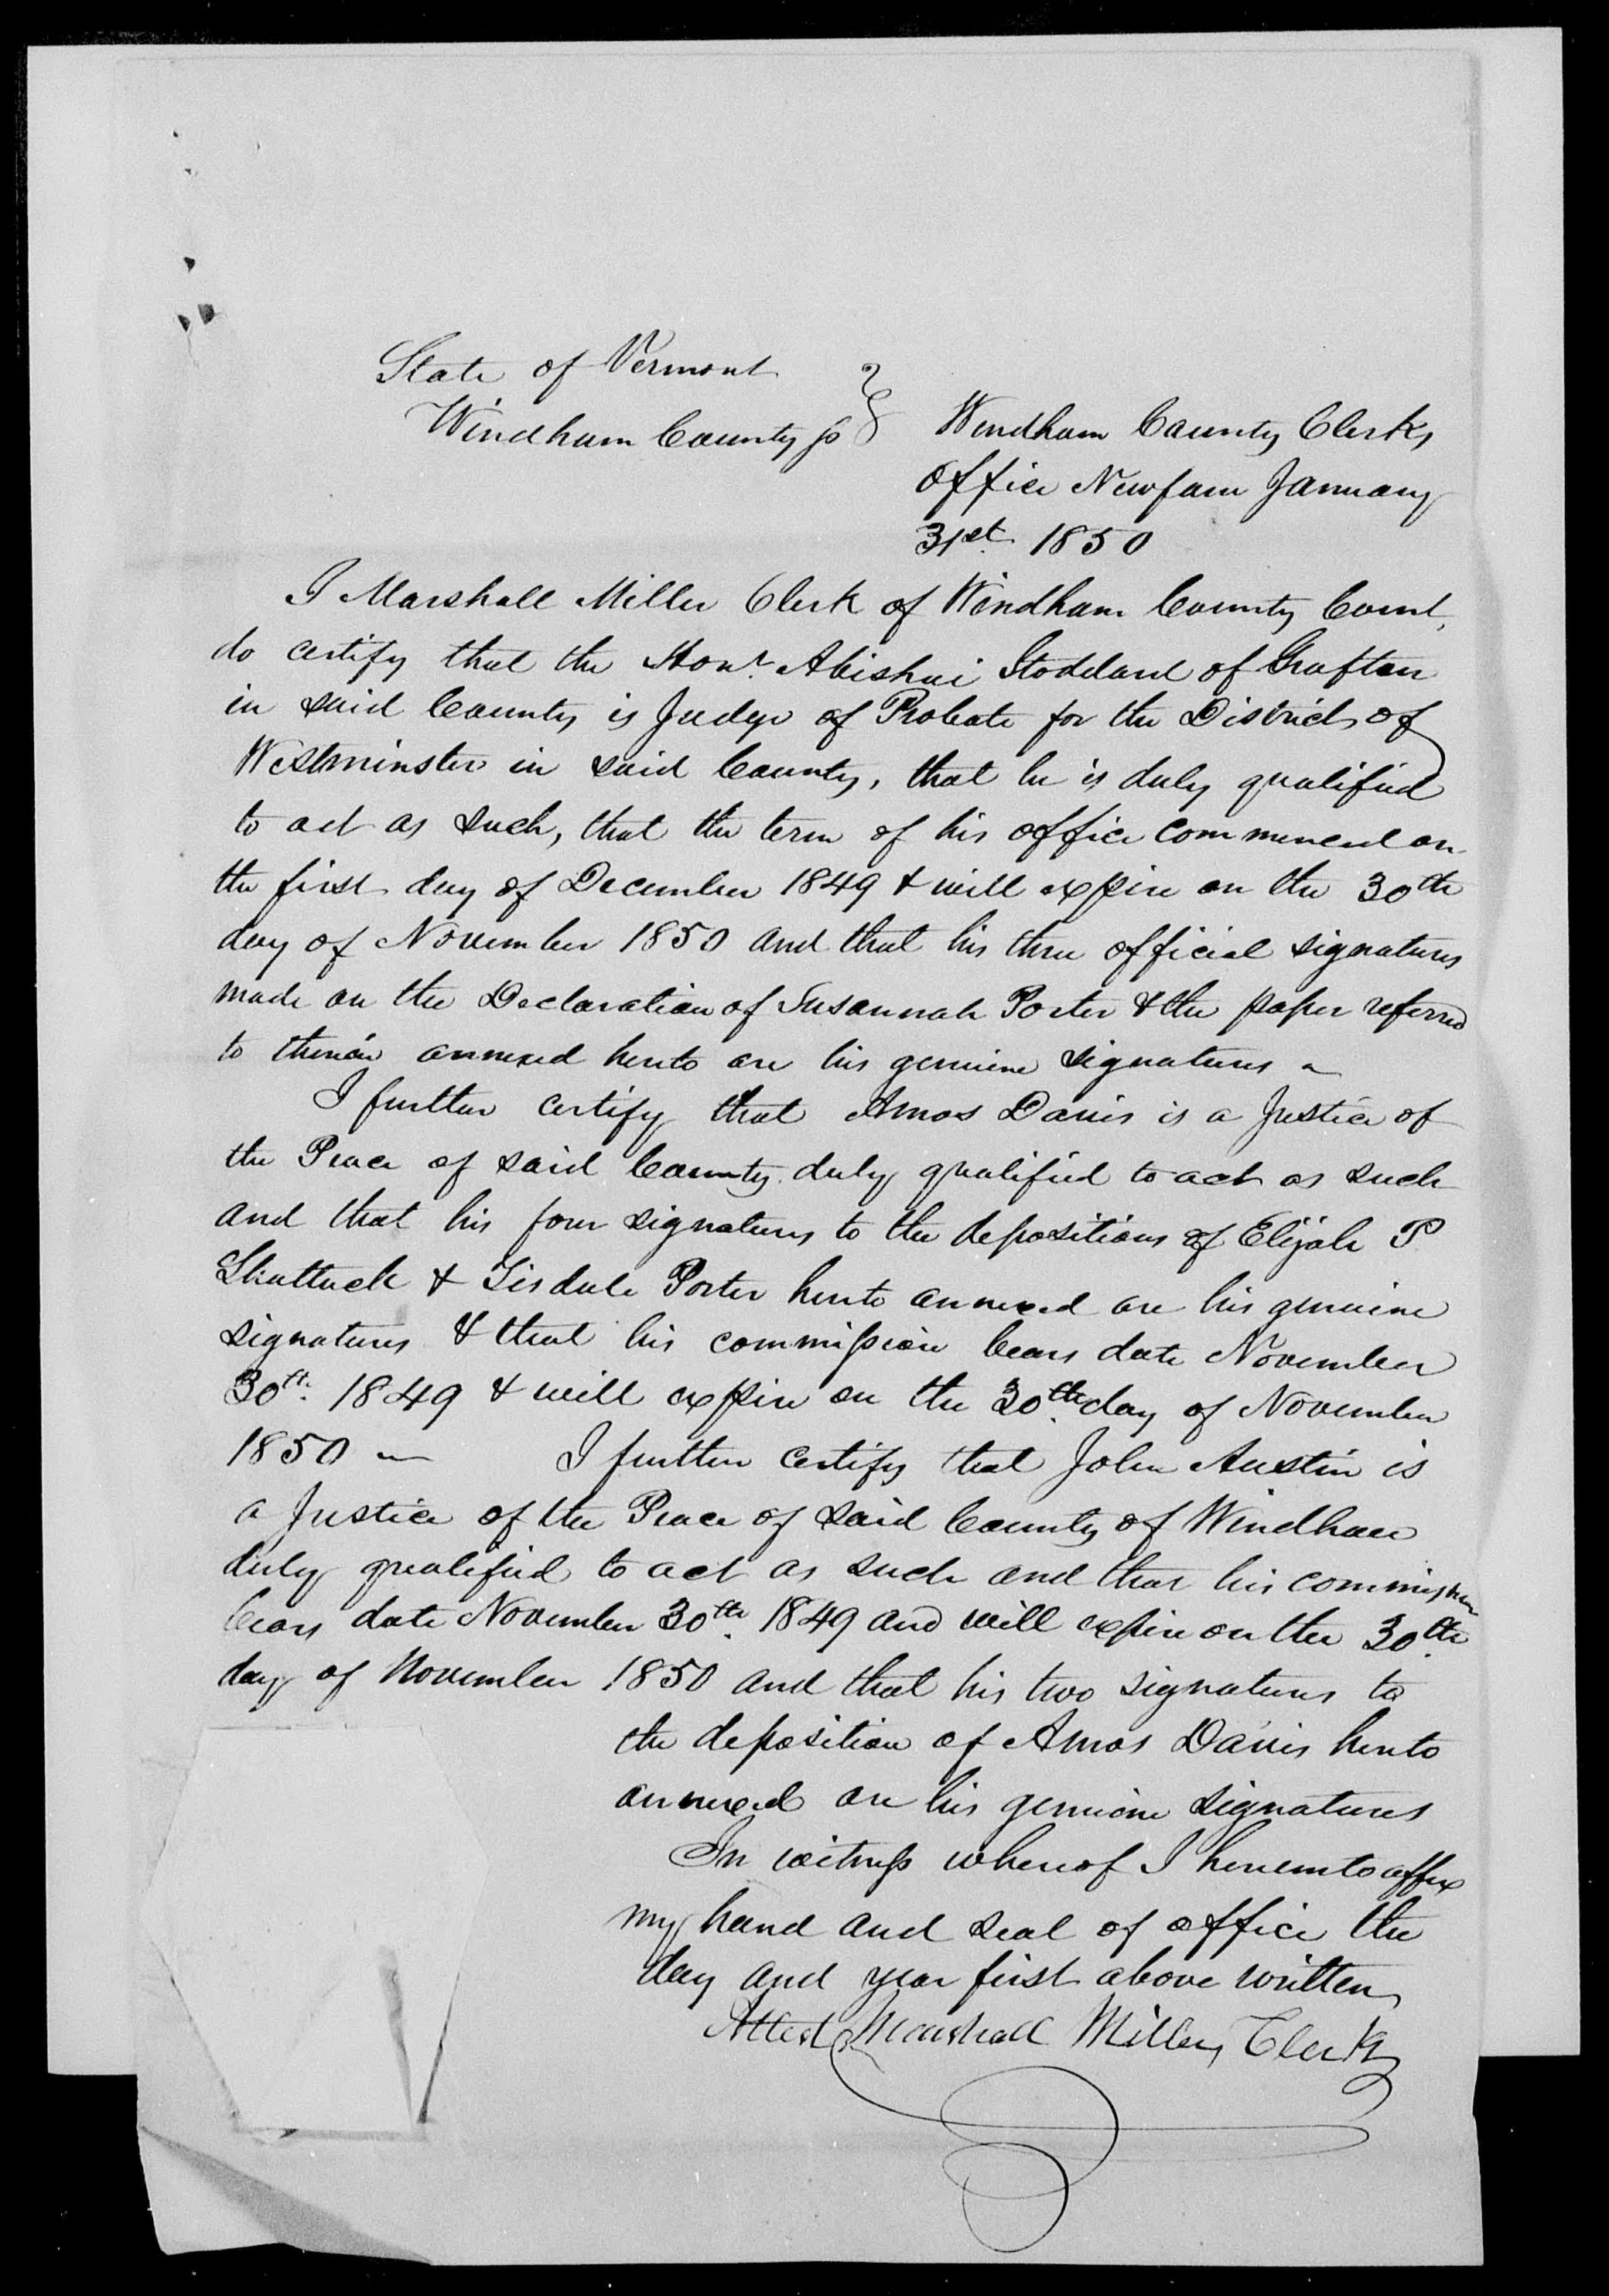State of Vermont
Windham County ss
Windham County Clerks Office Newfane January 31st. 1850
I Marshall Miller Clerk of Windham County Court, do certify that the Hon. Abishai Stoddard of Grafton in said County is Judge of Probate for the District of Westminster in said County, that he is duly qualified to act as such, that the term of his office commenced on the first day of December 1849 & will expire on the 30th day of November 1850 and that his three official signatures made on the Declaration of Susannah Porter & the paper referred to therein annexed hereto are his genuine signatures.
I further certify that Amos Davis is a Justice of the Peace of said County duly qualified to act as such and that his four signatures to the depositions of Elijah P. Shattuck & Tisdale Porter hereto annexed are his genuine signatures & that his commission bears date November 30th. 1849 & will expire on the 20th. day of November 1850. I further certify that John Austin is a Justice of the Peace of said County of Windham duly qualified to act as such and that his commission bears date November 30th. 1849 and will expire on the 30th. day of November 1850 and that his two signatures to the deposition of Amos Davis hereto annexed are his genuine signatures
In witness whereof I hereto affix my hand and seal of office the day and year first above written
Attest Marshall Miller, Clerk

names: Susannah Porter; John Austin; Tisdale Porter; Elijah P Shattuck; Marshall Miller; Amos Davis; Abishai Stoddard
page: 19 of 49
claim: widow's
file: W. 2164, for George Porter, Massachusetts